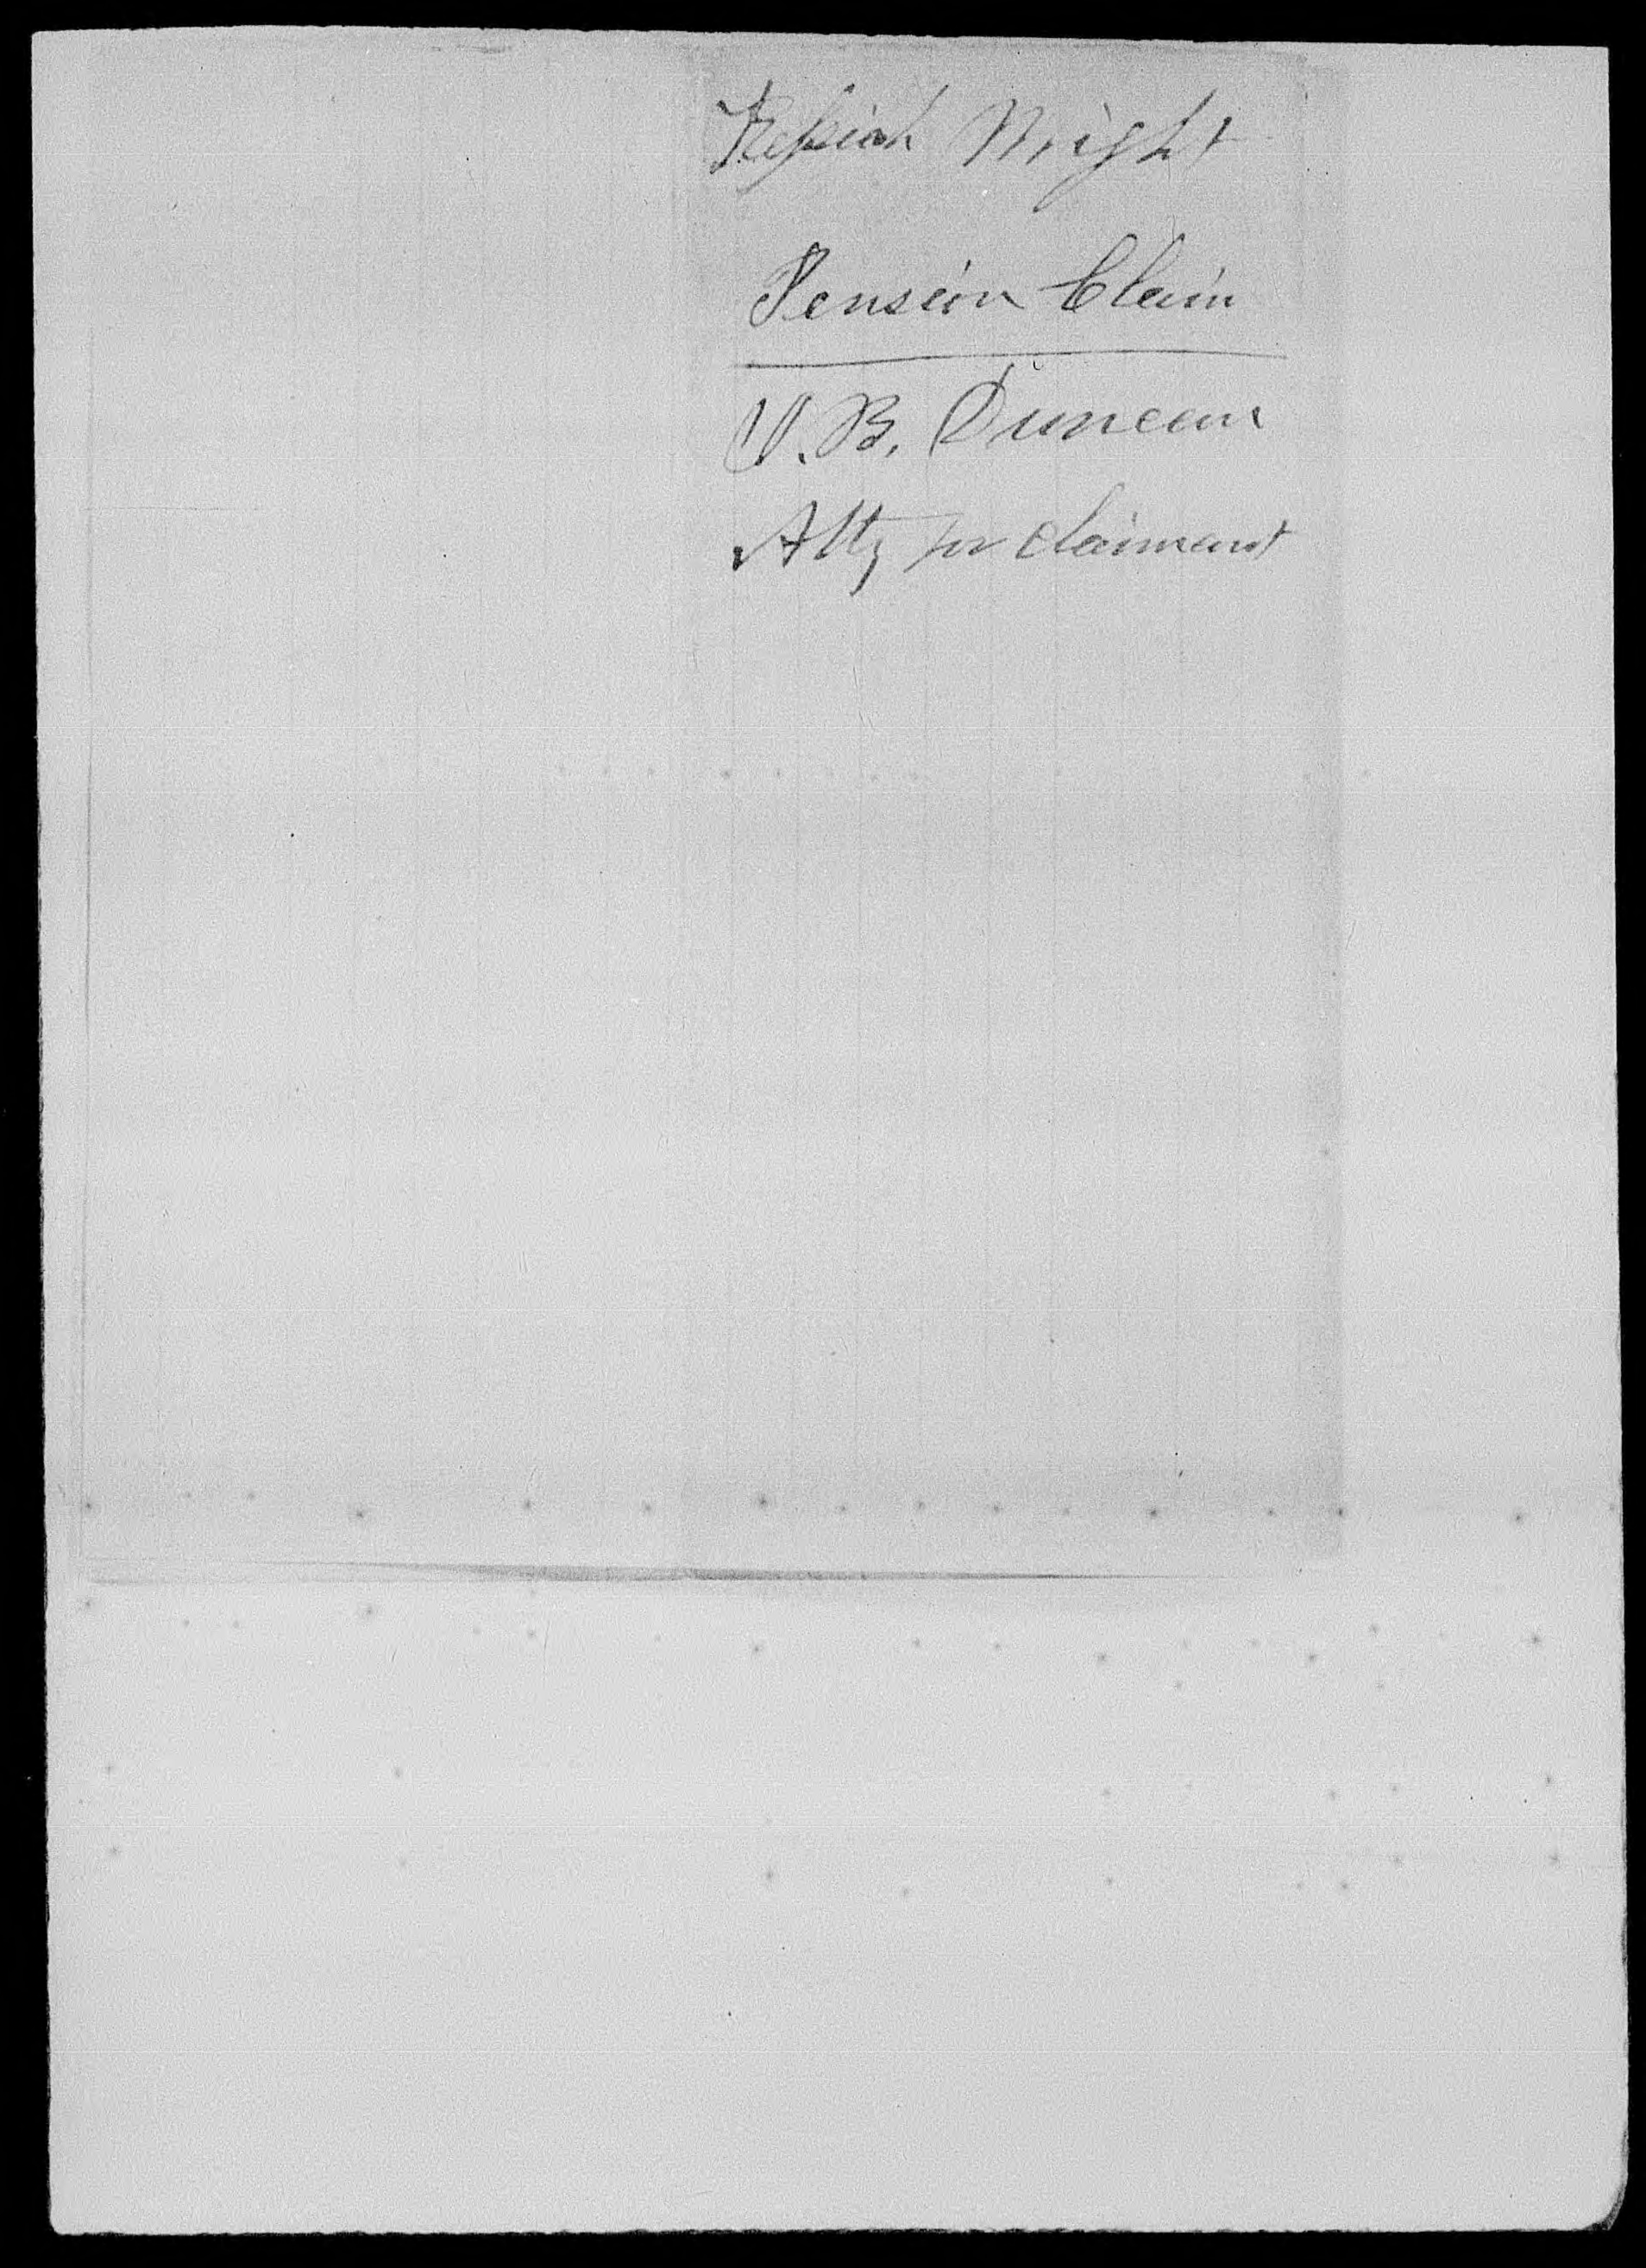Kessiah Wright
Pension Claim
-
J.B. Duncan
Atty for claimant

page: 3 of 56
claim: rejected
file: R 5529, for Samuel Jackson, Virginia